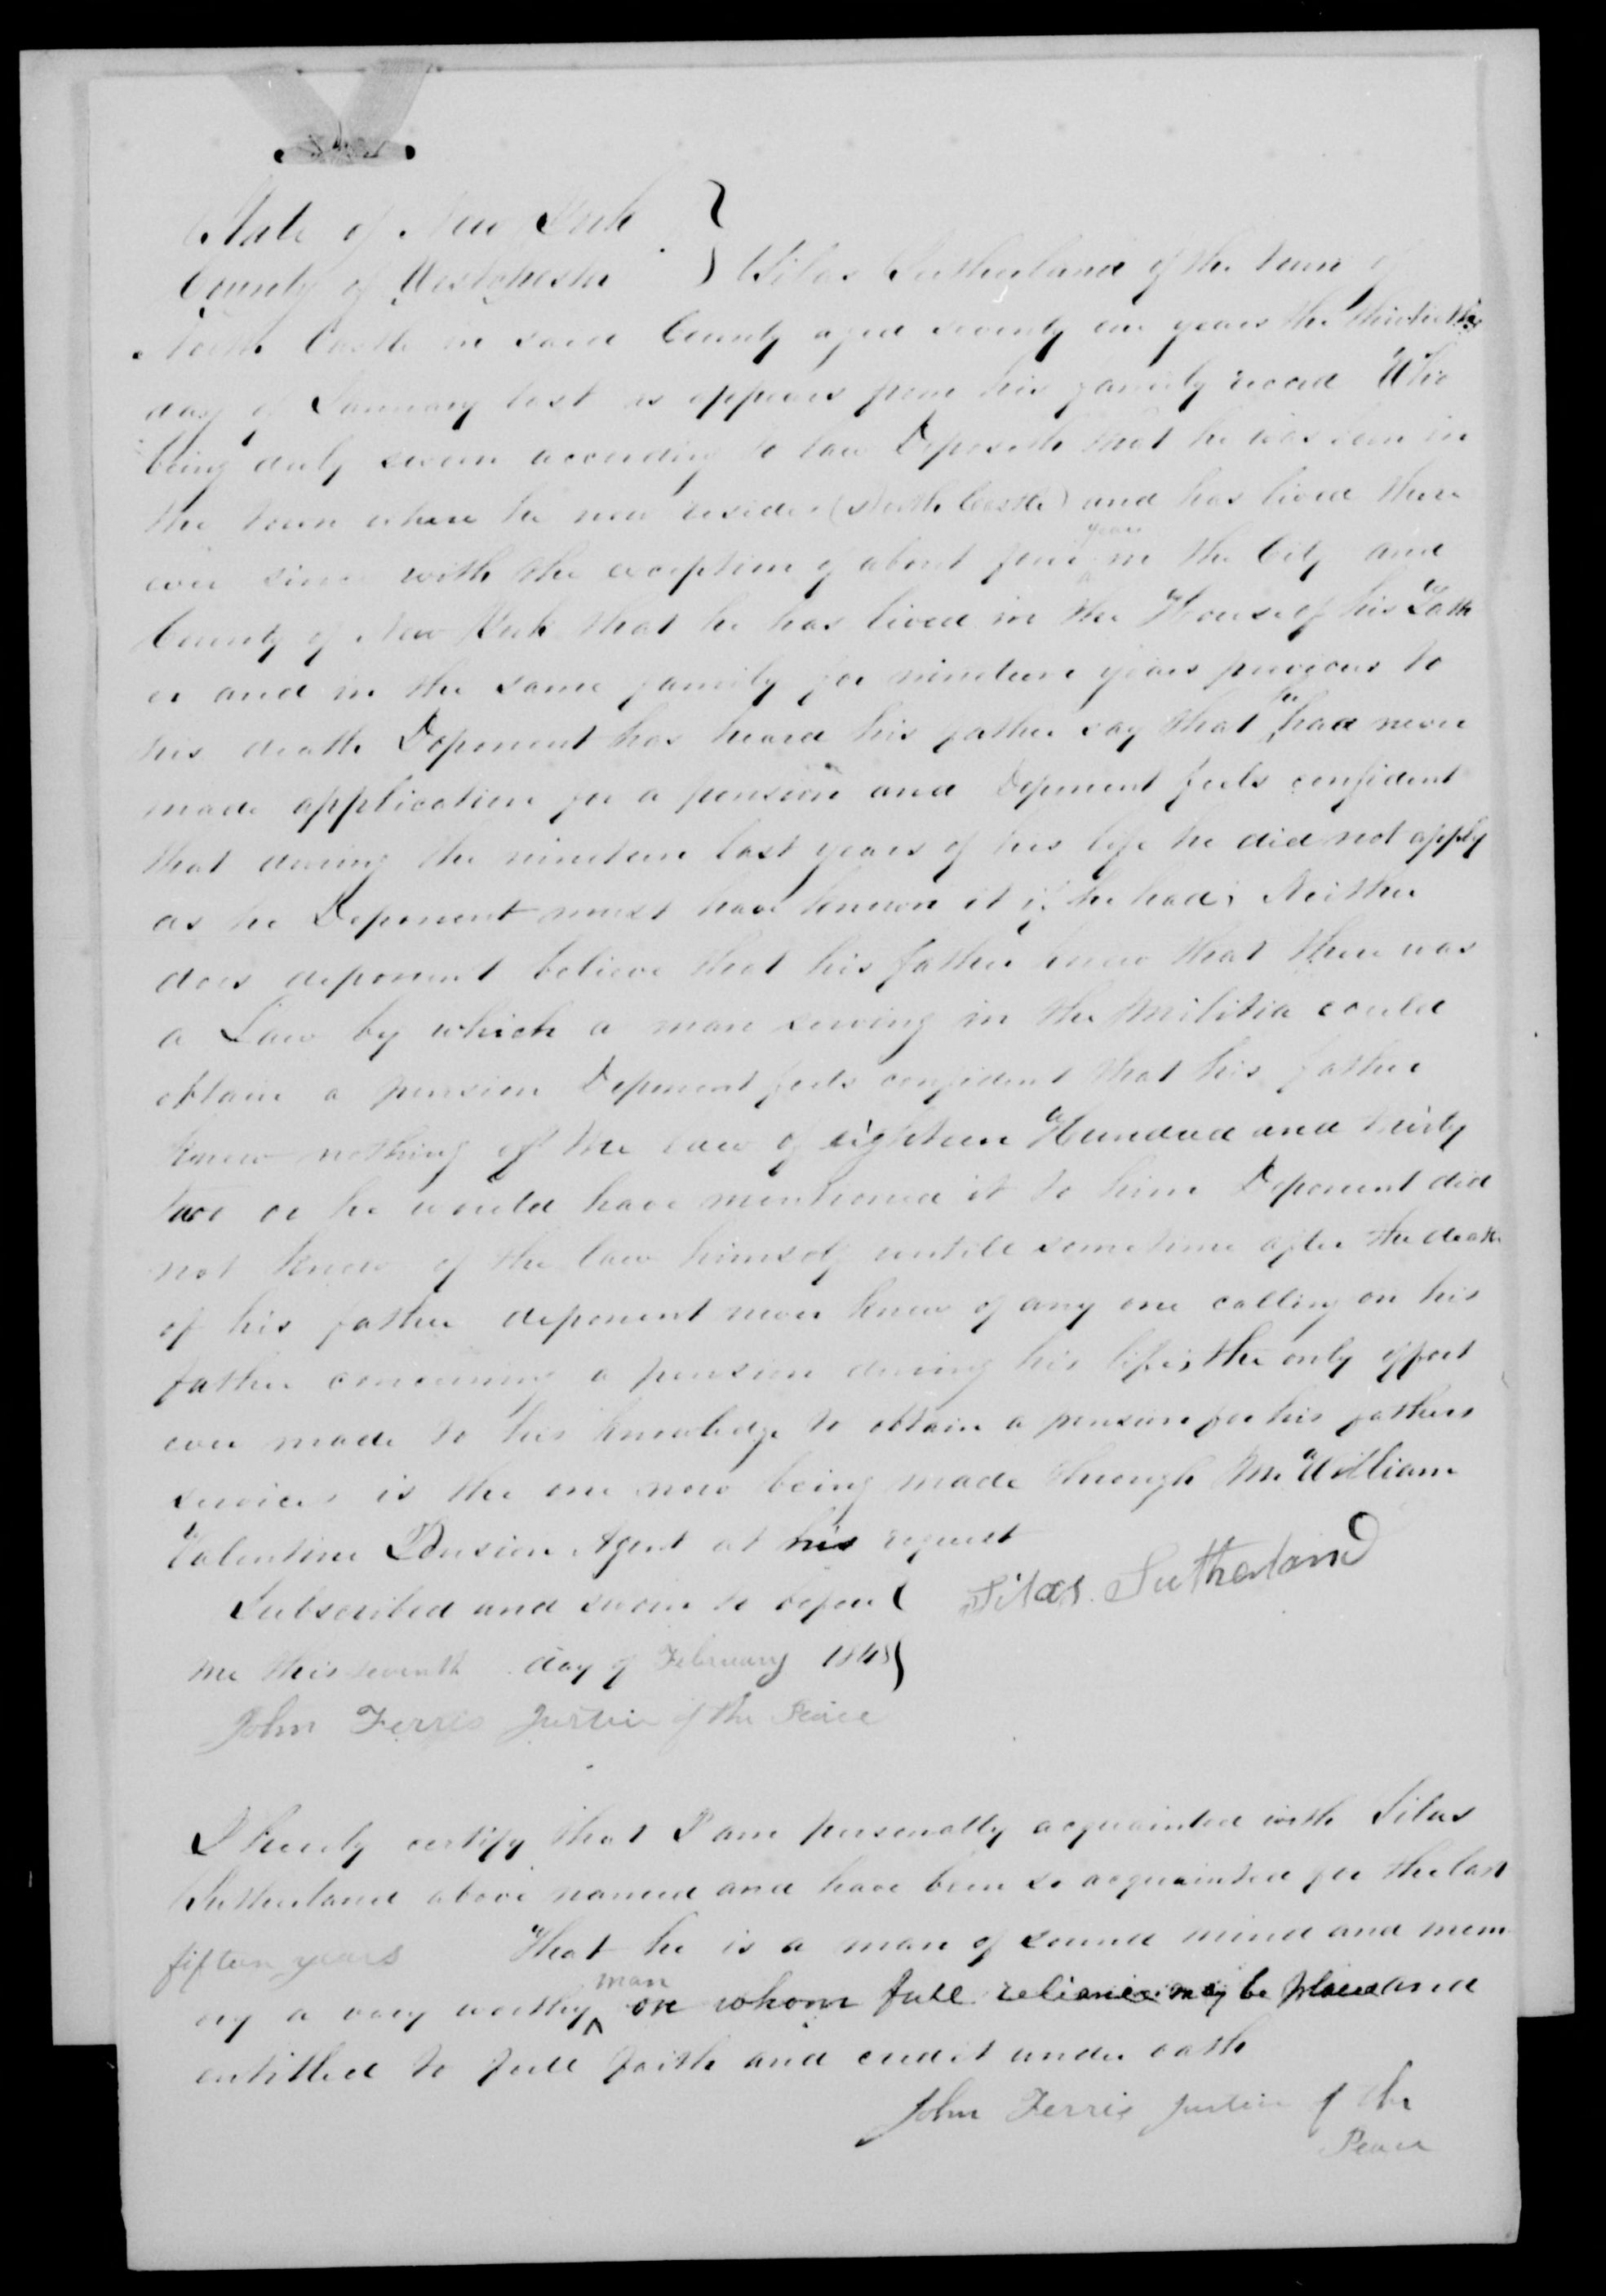State of New York
County of Westchester ss }

Silas Sutherland of the town of North Castle in said County aged seventy one years the thirtieth day of January last as appears from his family record who being duly sworn according to law Deposith that he was born in the town where he now resides (North Castle) and has lived there ever since with the exception of about four years in the City and County of New York that he has lived in the House of his Father and in the same family for nineteen years previous to his death Deponent has heard his father say that he had never made application for a pension and Deponent feels confident that during the nineteen last years of his life he did not apply as he Deponent would have known it if he had; Neither does deponent believe that his father knew that there was a Law by which a man serving in the militia could obtain a pension Deponent feels confident that his father knew nothing of the law of eighteen Hundred and thirty two or he would have mentioned it to him Deponent did not know of the law himself until some time after the death of his father deponent never knew of any one calling on his  father concerning a pension during his life; the only effort ever made to his knowledge to obtain a pension for his father's services is the one now being made through Mr William Valentine ensign, Agent at his request.  

Silas Sutherland

Subscribed and sworn to before me this seventh day of February 1848

John Ferris Justice of the Peace

I hereby certify that I am personally acquainted with Silas Sutherland above named and have been so acquainted for the last fifteen years that he is a man of sound mind and memory a very worthy man on whom full reliance may be placed and entitled to full faith and credit under oath. 

John Ferris Justice of the Peace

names: Silas Sutherland; William Valentine; Silas Sutherland; John Ferris; Silas Sutherland; John Ferris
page: 29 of 77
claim: survivor's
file: S. 23003, for Silas Southerland, New York